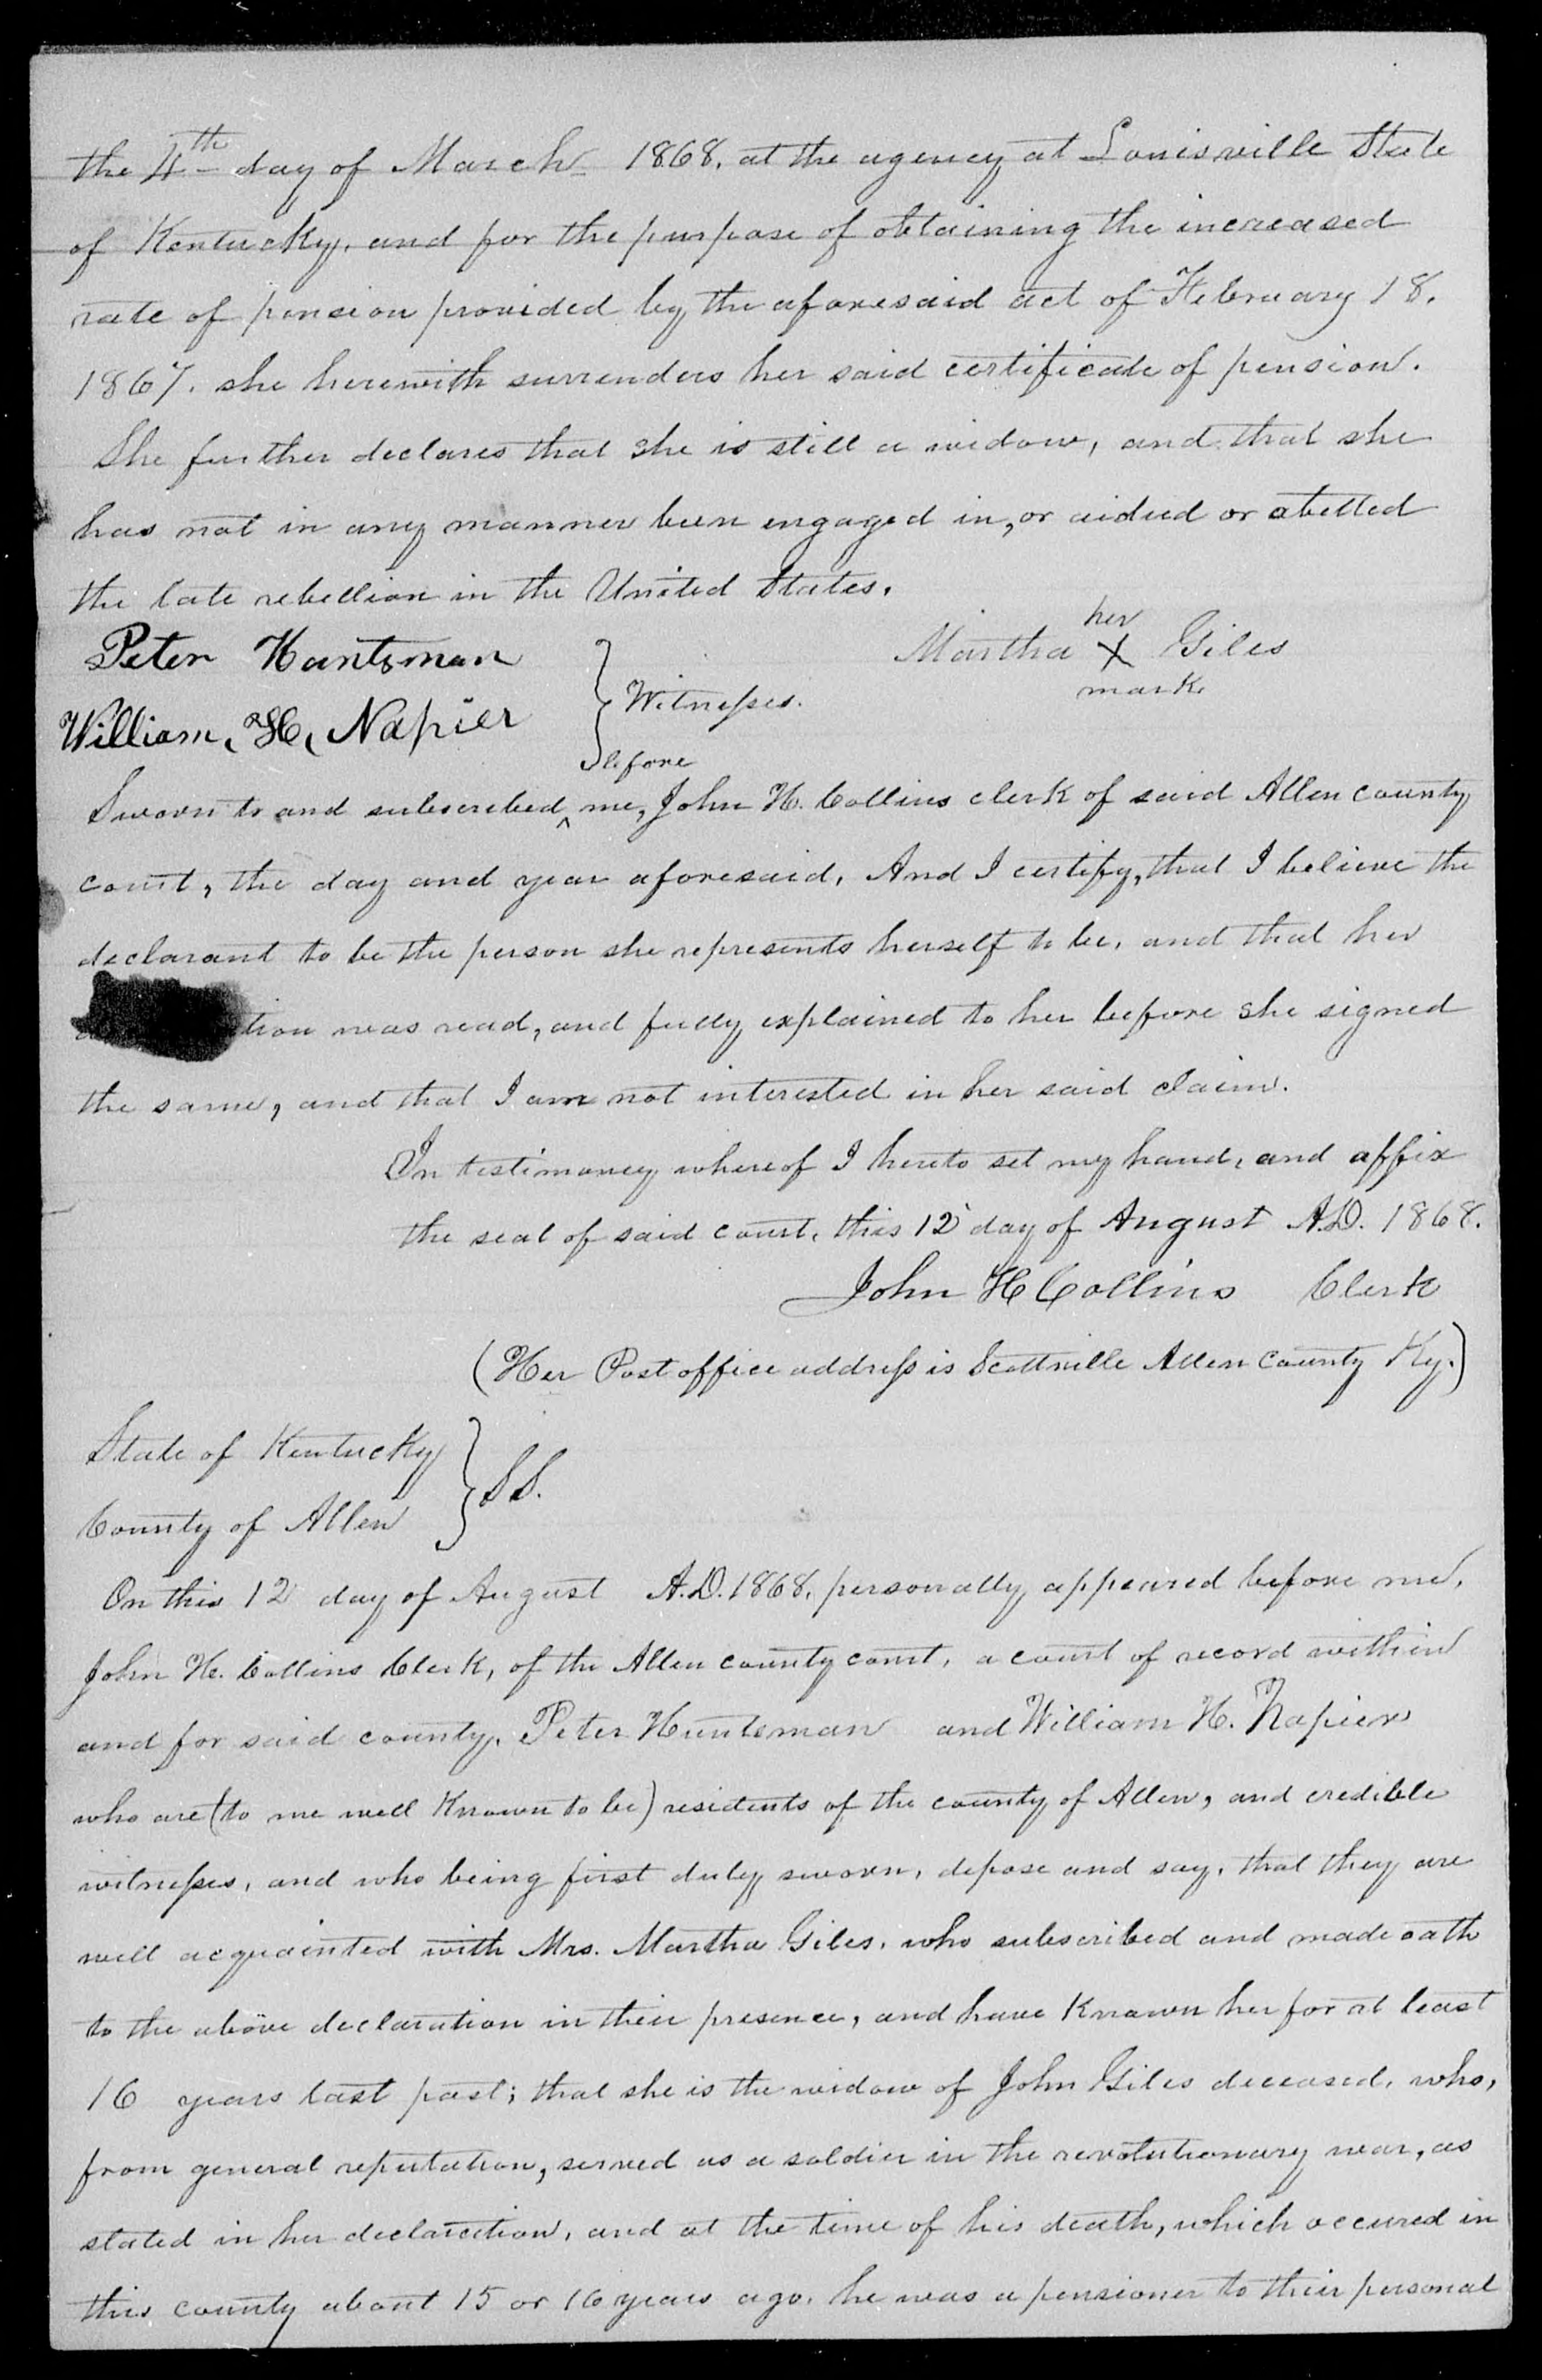the 4th day of March 1868, at the agency at Louisville State of Kentucky, and for the purpose of obtaining the increased rate of pension provided by the aforesaid act of February 18, 1867. She herewith surrenders her said certificate of pension. She further declares that she is still a widow, and that she has not in any manner been engaged in, or aided or abetted the late rebellion in the United States. 
[her mark]
Martha Giles
Peter Huntsman} witnesses
William H. Napier} 
Sworn to and subscribed before me, John H. Collins clerk of said Allen County court, the day and year aforesaid, And I certify, that I believe the declarant to be the person she represents herself to be, and that her ___tion was read, and fully explained to her before she signed the same, and that I am not interested in her said claim.
In testimony whereof I hereto set my hend, and affix the seal of said court, this 12th day of August A.D. 1868.
John H. Collins Clerk
(Her Post office address is Scottville Allen County Ky.)
State of Kentucky
County of Allen
On this 12 day of August A.D. 1868 personally appeared before me, John H. Collins clerk of the Allen County Court, a court of record within and for said county, Peter Huntsman and William H. Napier who are (to me well known to be) residents of the county of Allen, and credible witnesses, and who being first duly sworn, depose and say that they are well acquainted with Mrs. Martha Giles, who subscribed and made oath to the above declaration in their presence, and have known her for at lease 16 years last past; that she is the widow of John Giles deceased, who, from general reputation, served as a soldier in the revolutionary war, as stated in her declaration, and at the time of his death, which occured in this county about 15 or 16 years ago. he was a pensioner to their personal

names: Peter Huntsman, John H Collins, William H Napier, Martha Giles, Peter Huntsman, John H Collins, William H Napier, John Giles, John H Collins, Martha Giles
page: 58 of 82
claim: widow's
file: W. 7,522, John Giles, N.C.